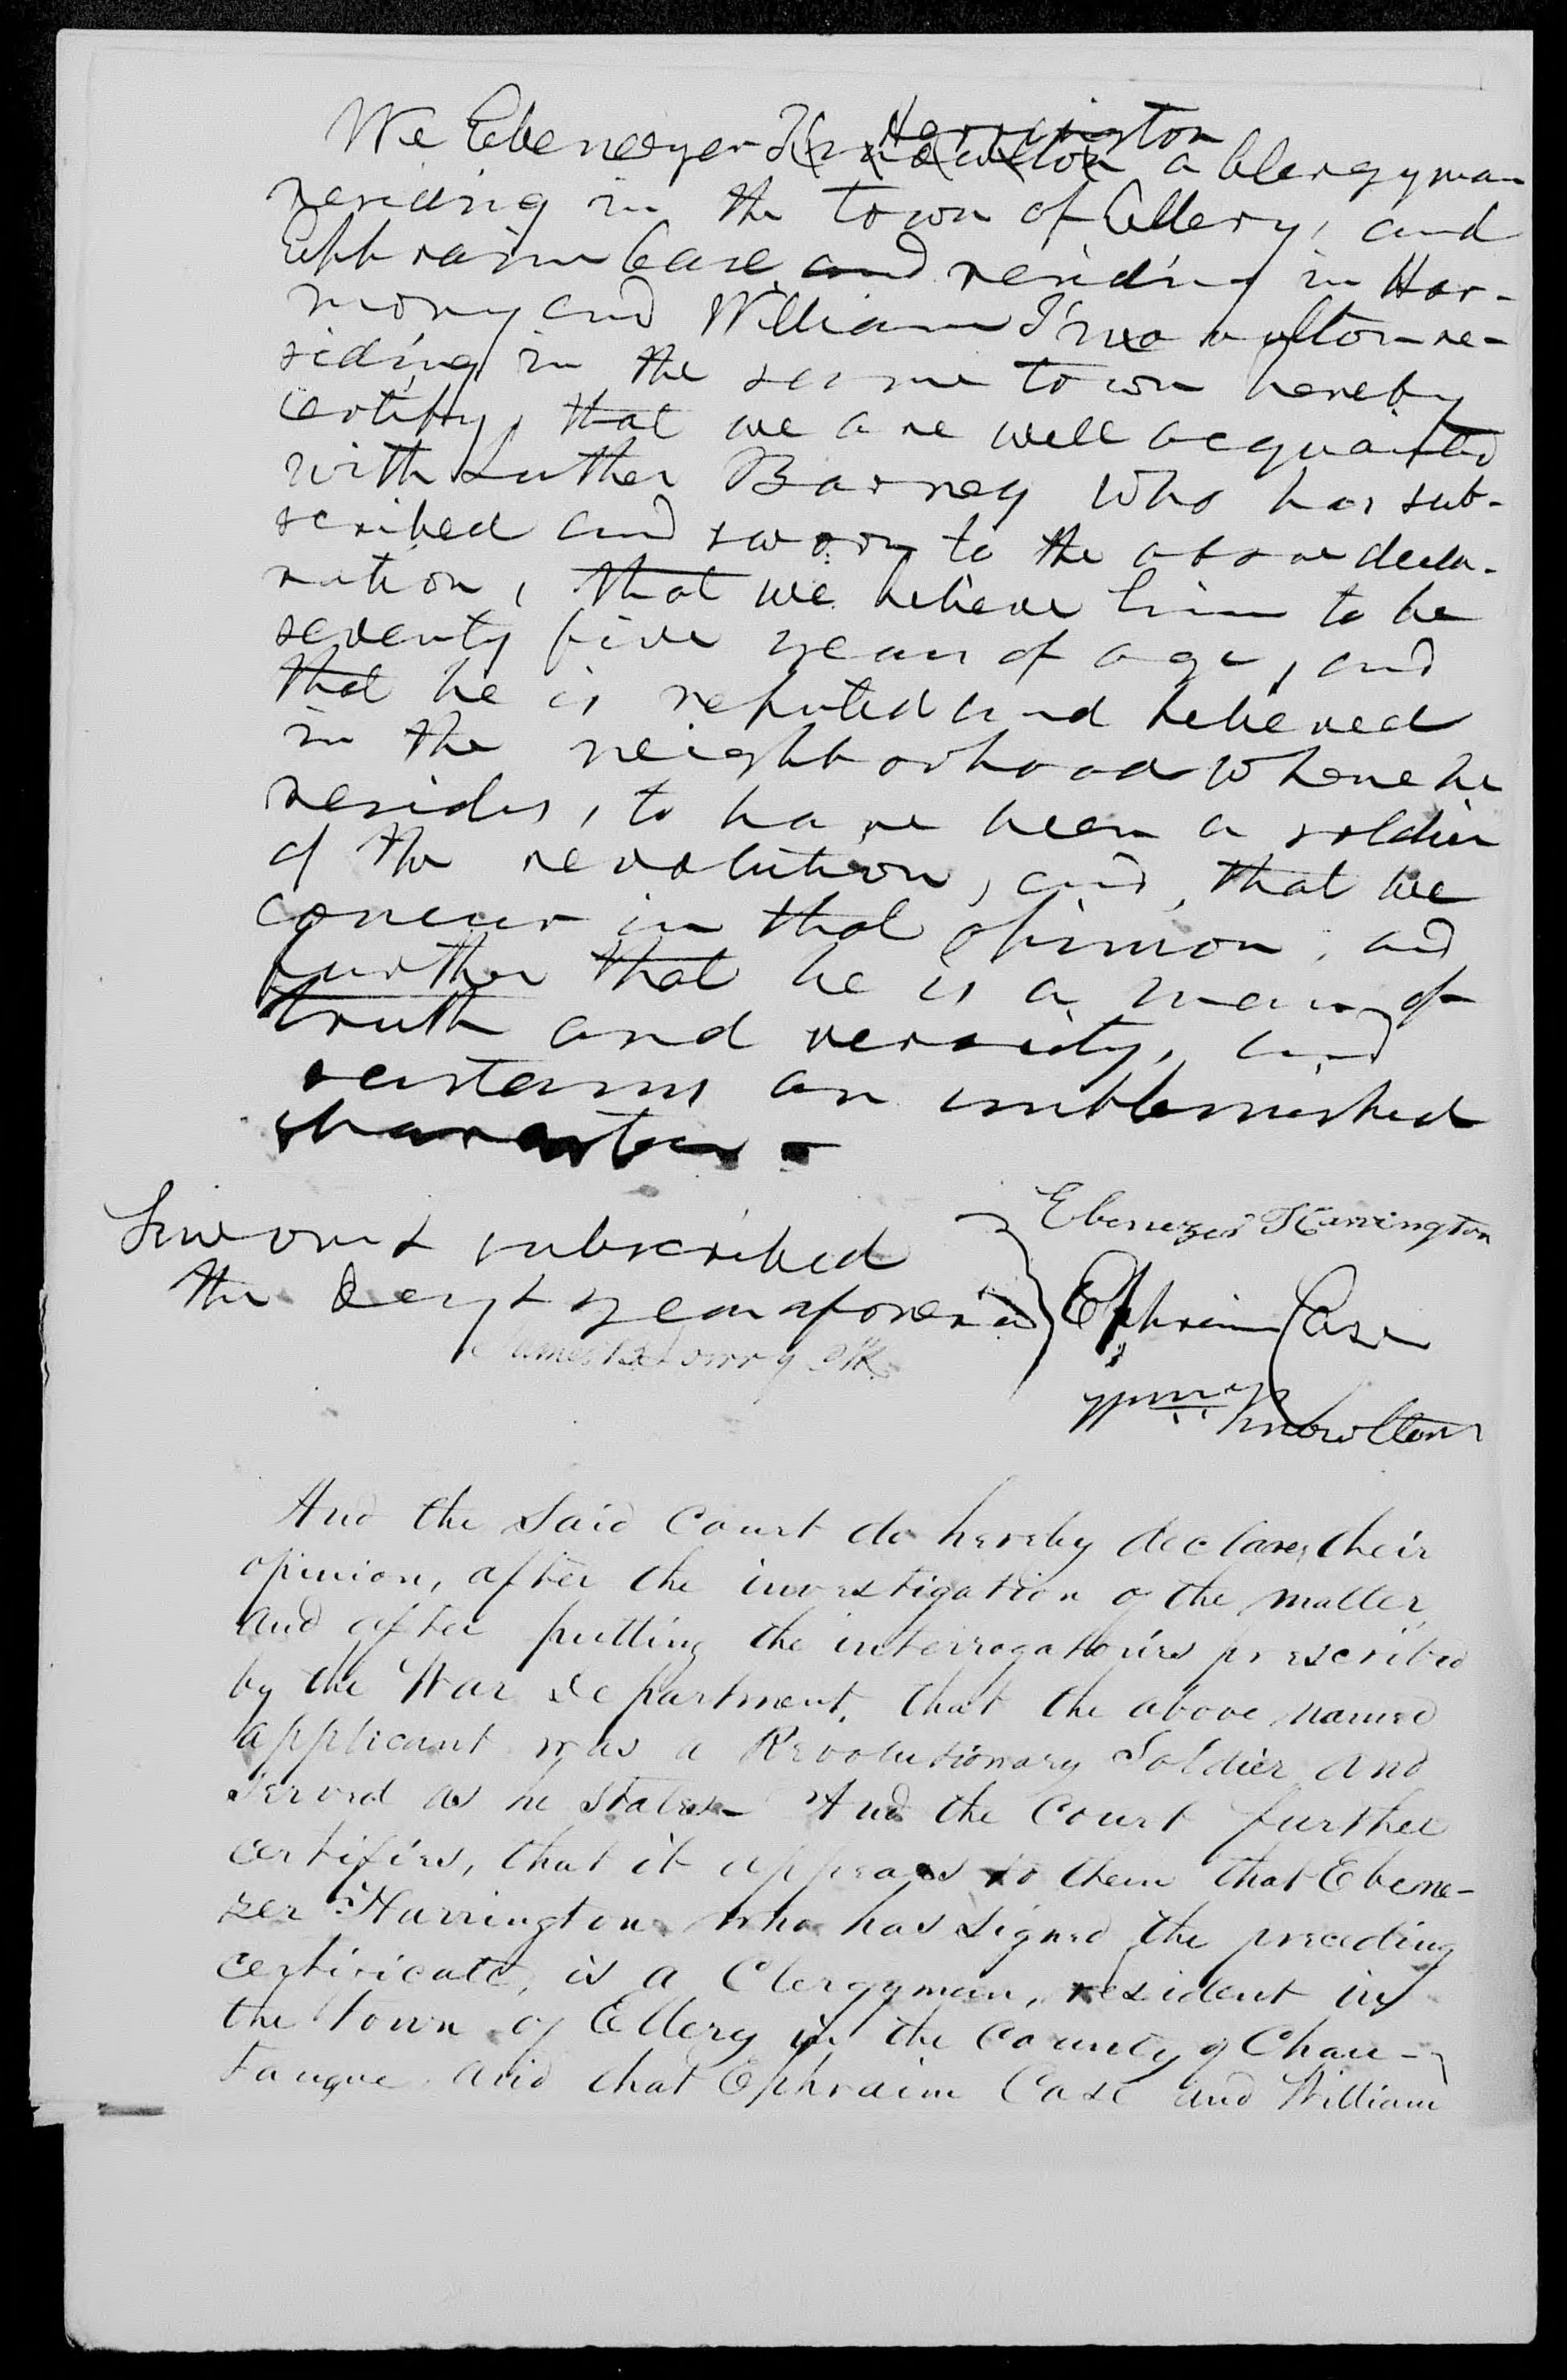We Ebenezer Herrington a Clergyman
residing in the town of Ellery, and
Ephraim Case and residing in Harmony
and William Knowlton residing
in the same town hereby
certify that we are well acquainted with
Luther Barney who has subscribed
and sworn to the above
declaration, that we believe him to be
seventy five years of age, and
that he is reputed and believed
in the neighborhood where he
resides to have been a soldier
of the revolution, and that we
concur in that opinion; and
further that he is a man of
truth and veracity,
[illegible] an emblemished
character -
Sworn & subscribed this day & year aforesaid
Ebenezer Harrington
Ephraim Case
William Knowlton
And the said Court do hereby declare their
opinion, after the investigation of the matter
and after putting the interrogatories prescribed
by the War Department, that the above named
applicant was a Revolutionary Soldier and
served as he states And the Court further
certifies, that it appears to them that Ebenezer
Harrington who has signed the preceding
Certificate is a Clergyman resident in
the town of Ellery in the County of Chautauqua, and that Ephraim Case and William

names: Ephraim Case, Ebenezer Harrington, William Knowlton, Wm Knowlton, Ebenezer Herrington, Ephraim Case, William, Ephraim Case, Luther Barney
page: 9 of 61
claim: widow's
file: W. 4.124, Luther Barney, Conn. Privateer.